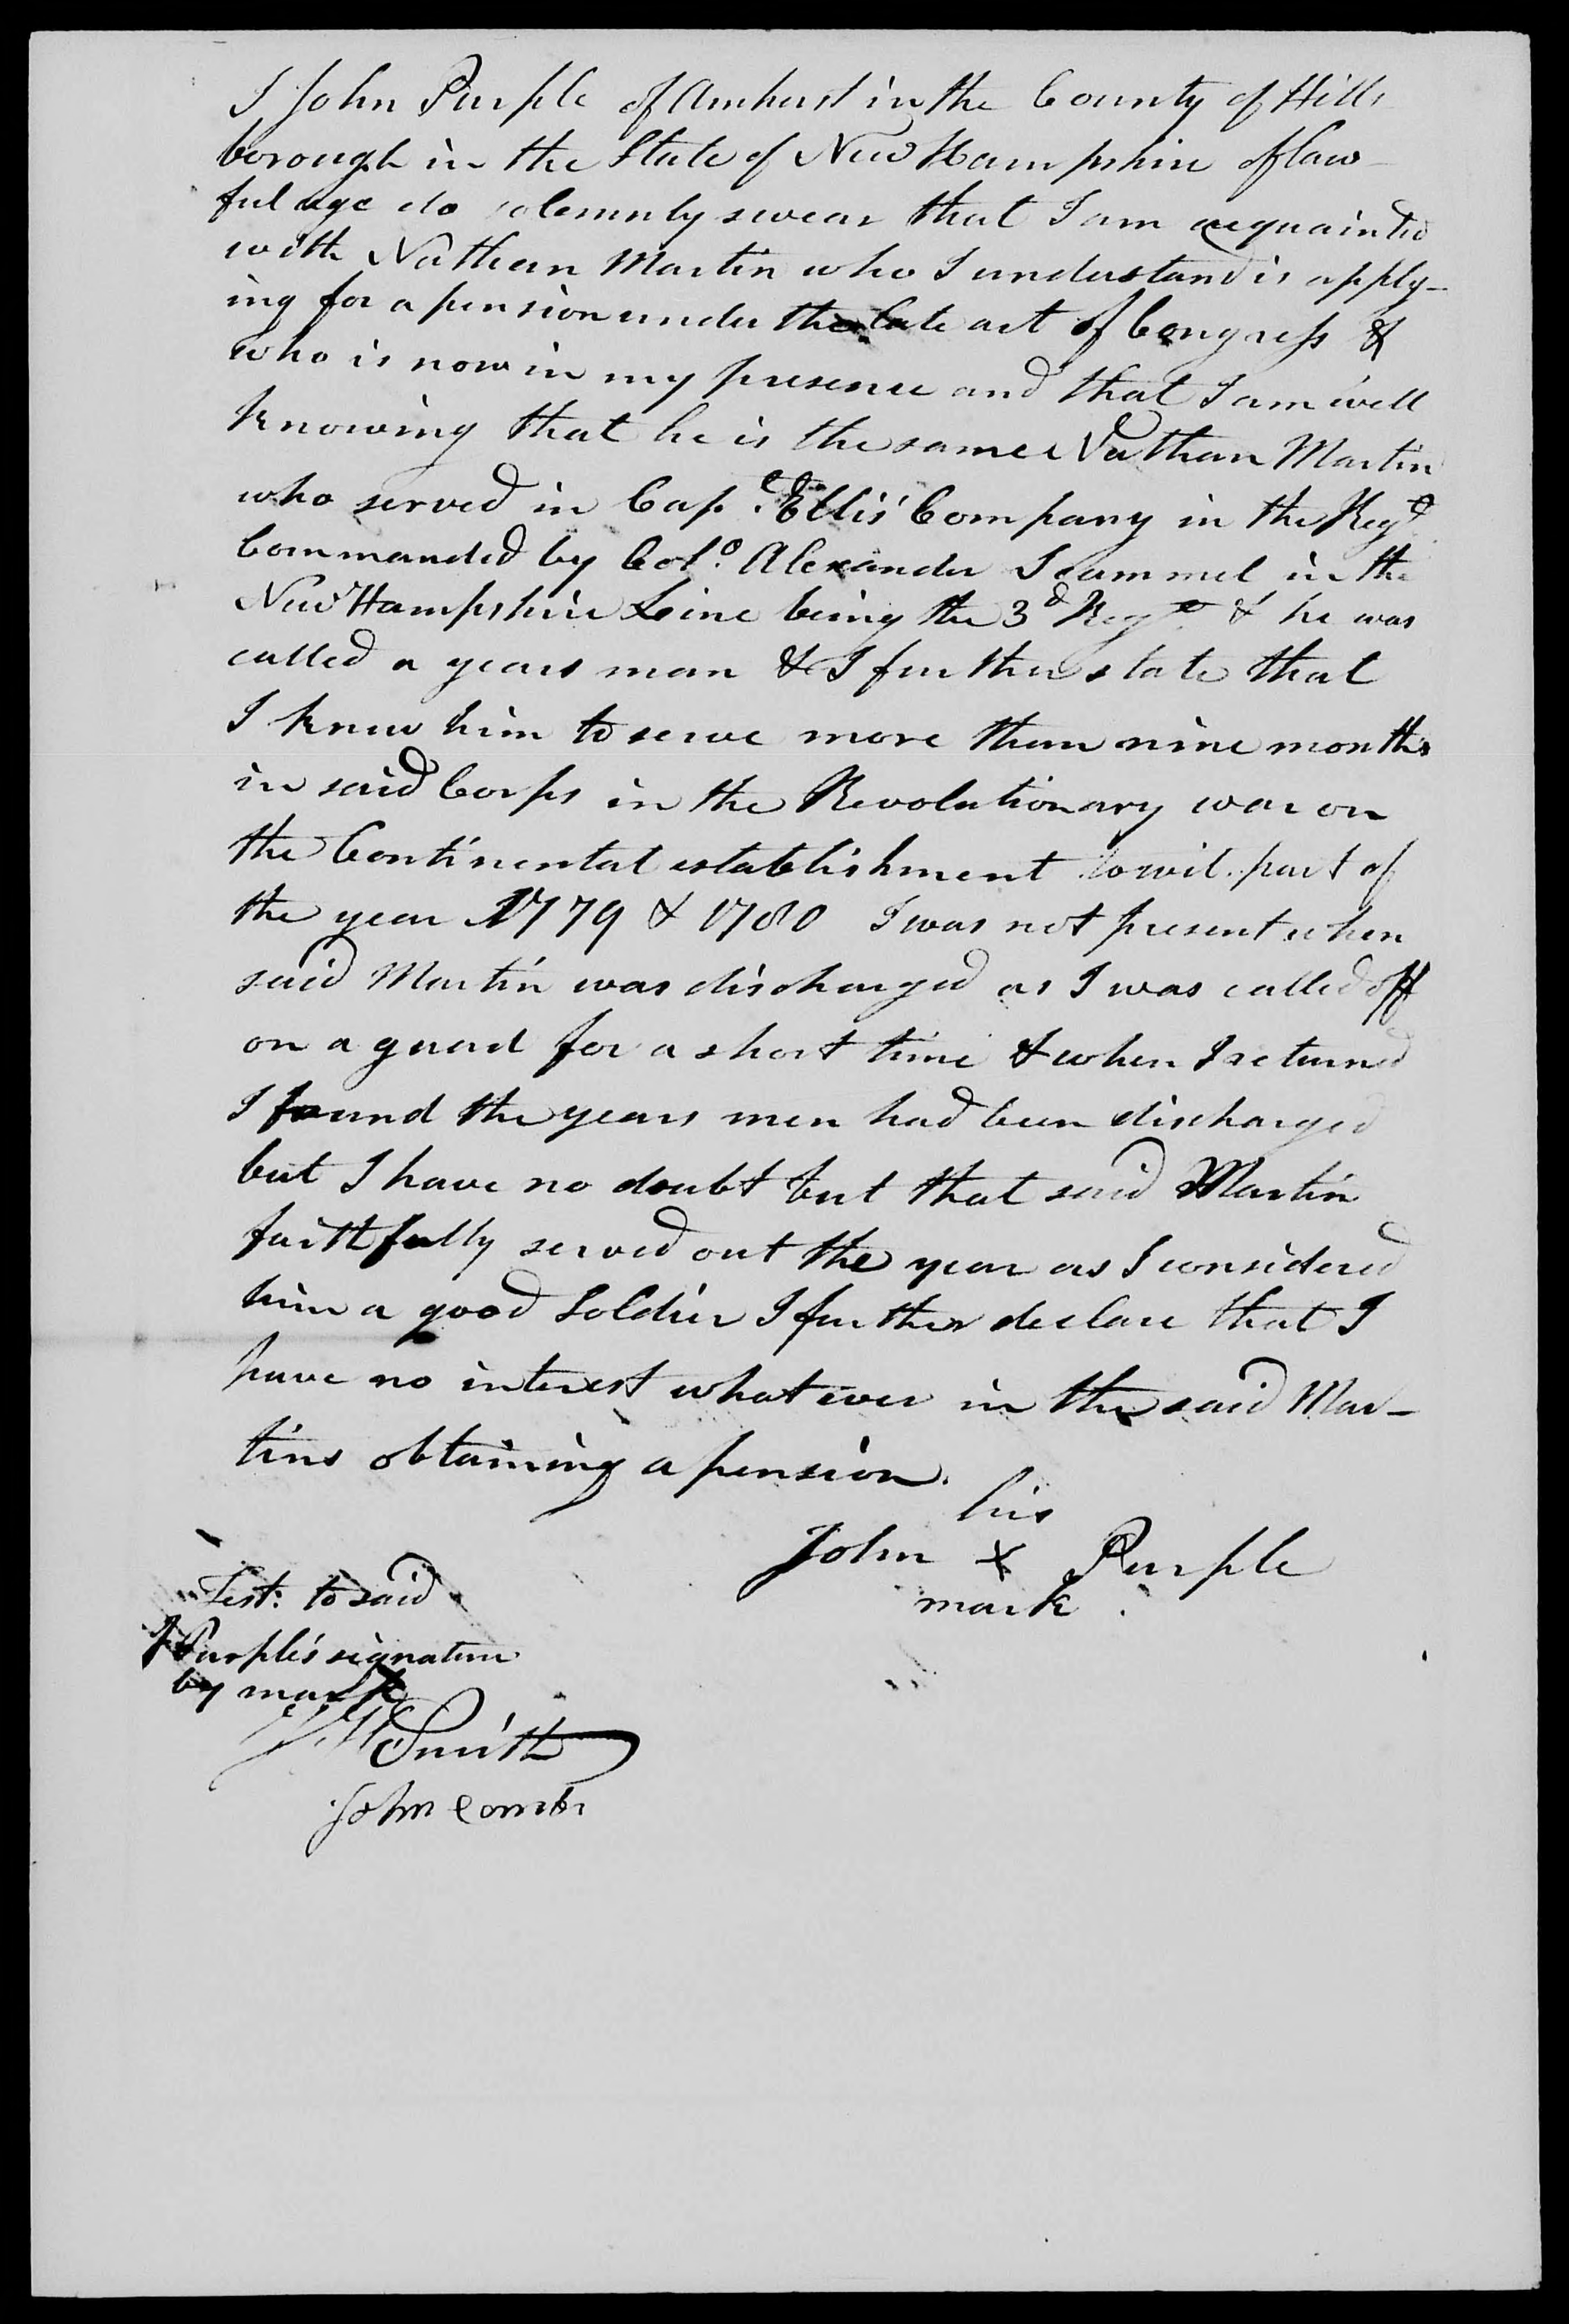I John Purple of Amherst in the County of Hillsborough
in the State of New Hampshire of lawful
age do solemnly swear that I am acquainted
with Nathan Martin who I understand is applying
for a pension under the [illegible] act of Congress &
who is now in my presence and that I am well
knowing that he is the same Nathan Martin
who served in Cap. Ellis' Company in the Regt
Commanded by Colo Alexander Scammel in the
New Hampshire Line being the 3d Regt & he was
called a [illegible] man & I further state that
I knew him to serve more than nine months
in said Corps in the Revolutionary war on
the Continental establishment to wit part of
the year 1779 & 1780 I was not present when
said Martin was discharged as I was called off
on a [illegible] for a short time & when I returned
I found the [illegible] men had been discharged
but I have no doubt but that said martin
faithfully served out the year as I considered
him a good Soldier I further declare that I 
have no interest whatever in the said Martins
obtaining a pension
John Purple his mark X
List: to said
J Purple's signature
by mark
[illegible] Smith
John Combs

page: 23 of 30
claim: widow's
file: W. 23,904, for Nathan Martin, New Hampshire